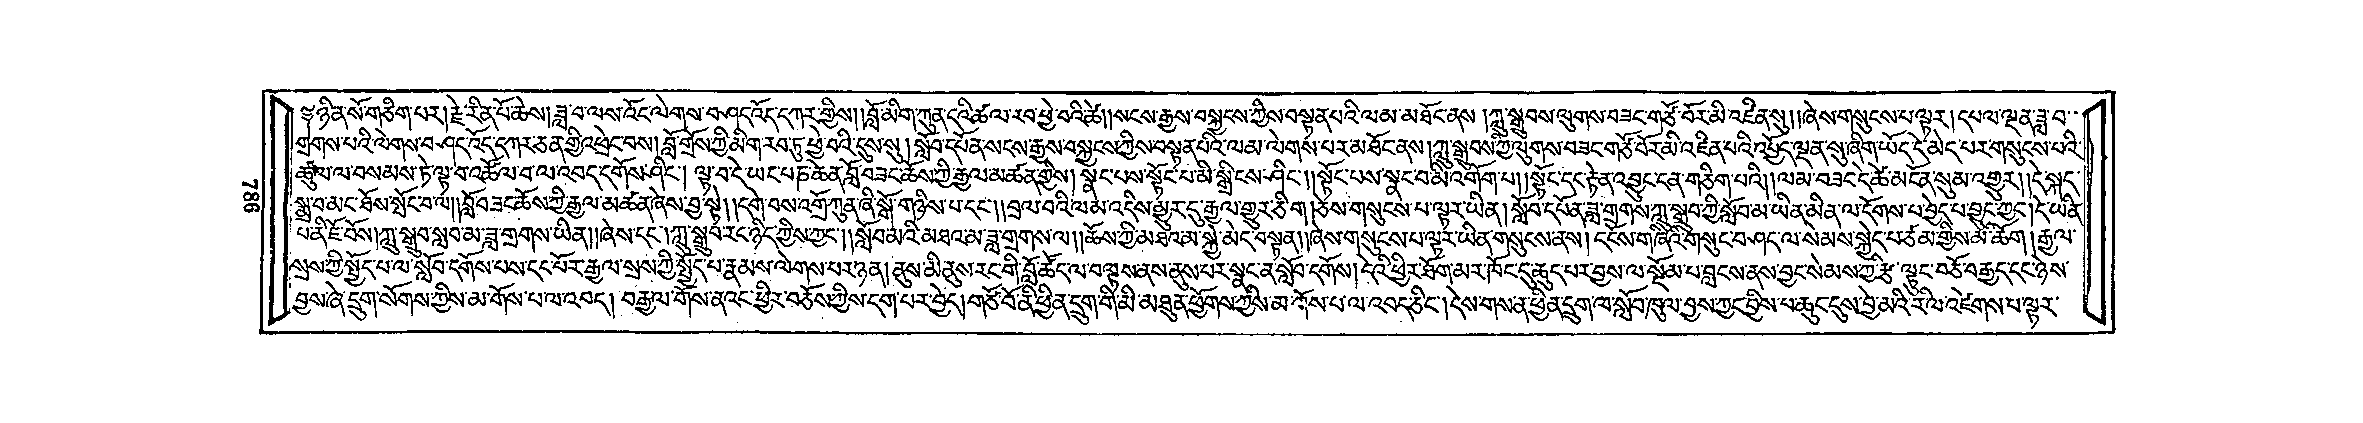ཉིན་སོ་གཅིག་པར། རྗེ་རིན་པོ་ཆེས། ཟླ་བ་ལས་འོང་ལེགས་བཤད་འོད་དཀར་གྱིས། །བློ་མིག་ཀུན་དའི་ཚལ་རབ་ཕྱེ་བའི་ཚེ། །སངས་རྒྱས་བསྐྱངས་ཀྱིས་བསྟན་པའི་ལམ་མཐོང་ནས། ཀླུ་སྒྲུབས་ལུགས་བཟང་གཙོ་བོར་མི་འཛིན་སུ། །ཞེས་གསུངས་པ་ལྟར། དཔལ་ལྡན་ཟླ་བ་
གྲགས་པའི་ལེགས་བཤད་འོད་དཀར་ཅན་གྱི་འཕྲེང་བས། བློ་གྲོས་ཀྱི་མིག་རབ་ཏུ་ཕྱེ་བའི་དུས་སུ། སློབ་དཔོན་སངས་རྒྱས་བསྐྱངས་ཀྱིས་བསྟན་པའི་ལམ་ལེགས་པར་མཐོང་ནས། ཀླུ་སྒྲུབས་ཀྱི་ལུགས་བཟང་གཙོ་བོར་མི་འཛིན་པའི་འྤྱོད་ལྡན་སུ་ཞིག་ཡོད་དེ་མེད་པར་གསུངས་པའི་
ཚུལ་ལ་བསམས་ཏེ་ལྟ་བ་འཚོལ་བ་ལ་འབད་དགོས་ཤིང་། ལྟ་བ་དེ་ཡང་པཎ་ཆེན་བློ་བཟང་ཆོས་ཀྱི་རྒྱལ་མཚན་གྱིས། སྣང་པས་སྟོང་པ་མི་སྒྲིངས་ཤིང་། །སྟོང་པས་སྣང་བ་མི་འགོག་པ། །སྟོང་དང་རྟེན་འབྱུང་ངན་གཅིག་པའི། །ལམ་བཟང་དེ་ཚེ་མངོན་སུམ་འགྱུར། །དེ་སྐད་
སྨྲ་བ་མང་ཐོས་སྤོང་བ་ལ། །བློ་བཟང་ཆོས་ཀྱི་རྒྱལ་མཚན་ཞེས་བྱ་སྟེ། །དགེ་བས་འགྲོ་ཀུན་ཞི་སྒོ་གཉིས་པ་དང་། །བྲལ་བའི་ལམ་འདིས་མྱུར་དུ་རྒྱལ་གྱུར་ཅིག །ཅེས་གསུངས་པ་ལྟར་ཡིན། སློབ་དཔོན་ཟླ་གྲགས་ཀླུ་སྒྲུབ་ཀྱི་སློབ་མ་ཡིན་མིན་ལ་དོགས་པ་བྱེད་པ་བྱུང་ཀྱང་། དེ་ཡིན་
པ་ནི་ཇོ་བོས། ཀླུ་སྒྲུབ་སླབ་མ་ཟླ་གྲགས་ཡིན། །ཞེས་དང་། ཀླུ་སྒྲུབ་རང་ཉིད་ཀྱིས་ཀྱང་། །སློབ་མའི་མཐའ་མ་ཟླ་གྲགས་ལ། །ཆོས་ཀྱི་མཐའ་མ་སྐྱེ་མེད་བསྟན། །ཞེས་གསུངས་པ་ལྟར་ཡིན་གསུངས་ནས། དངོས་གཞིའི་གསུང་བཤད་ལ་སེམས་སྐྱེད་པ་ཙམ་གྱིས་མི་ཆོག །རྒྱལ་
སྲས་ཀྱི་སྤྱོད་པ་ལ་སློབ་དགོས་པས་དང་པོར་རྒྱལ་སྲས་ཀྱི་སྤྱོད་པ་རྣམས་ལེགས་པར་ཉན། ནུས་མི་ནུས་རང་གི་བློ་ཚོད་ལ་བལྟས་ནས་ནུས་པར་སྣང་ན་སློབ་དགོས། དེའི་ཕྱིར་ཐོག་མར་ཁོང་དུ་ཆུད་པར་བྱས་ལ་སྡོམ་པ་བླངས་ནས་བྱང་སེམས་ཀྱི་རྩ་ལྟུང་བཅོ་བརྒྱད་དང་ཉེས་
བྱས་ཞེ་དྲུག་སོགས་ཀྱིས་མ་གོས་པ་ལ་འབད། བརྒྱ་ལ་གོས་ནའང་ཕྱིར་བཅོས་ཀྱིས་དག་པར་བྱེད། གཙོ་བོ་ནི་ཕྱིན་དྲུག་གི་མི་མཐུན་ཕྱོགས་ཀྱིས་མ་གོས་པ་ལ་འབད་ཅིང་། དེས་གསན་ཕྱིན་དྲུག་ལ་སློབ་ཁུལ་བྱས་ཀྱང་བྱིས་པ་ཆུང་ངུས་བྱེ་མའི་རི་ལ་འཛེགས་པ་ལྟར་